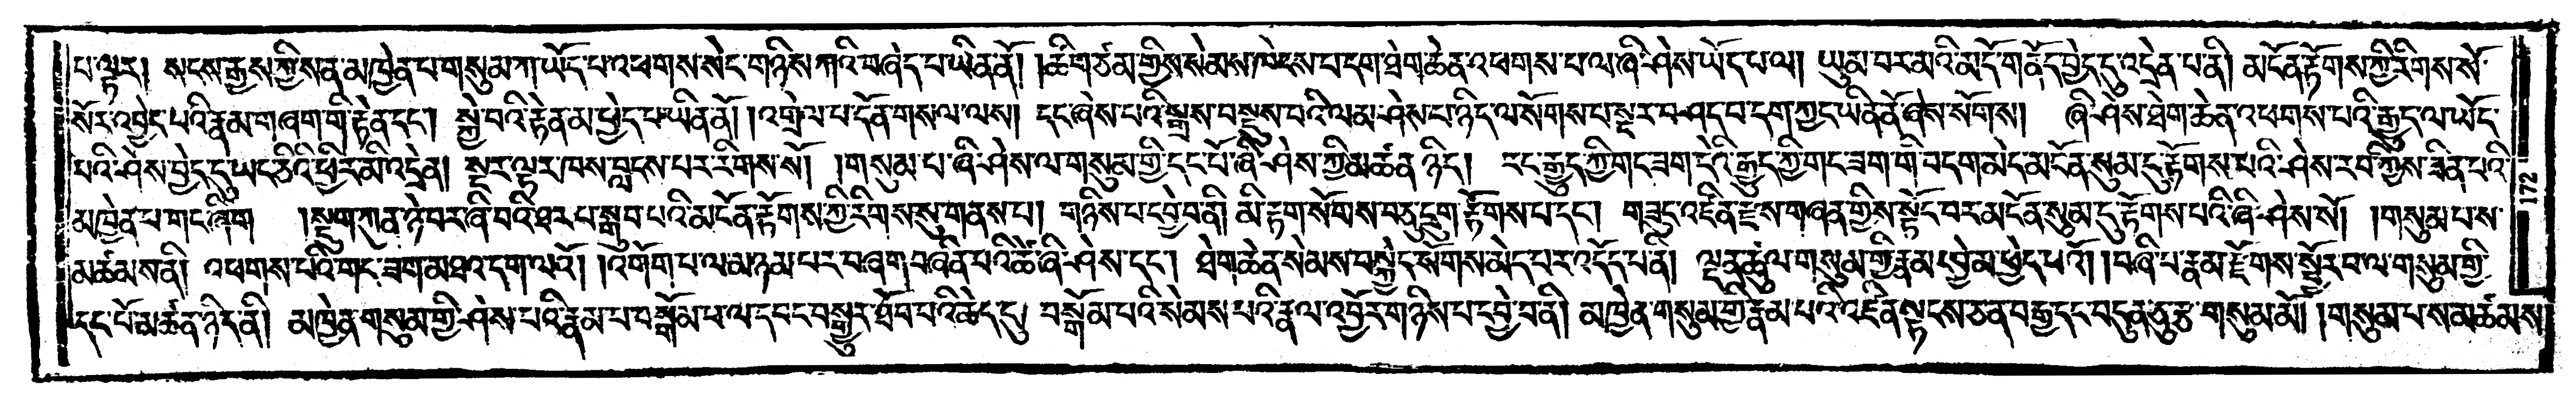པ་ལྟར། སངས་རྒྱས་ཀྱིས་ན་མཁྱེན་པ་གསུམ་ཀ་ཡོད་པ་འཕགས་སེང་གཉིས་ཀའི་བཞེད་པ་ཡིན་ནོ། །ཚིག་ཙམ་གྱིས་སེམས་ཁེངས་པ་དག་ཐེག་ཆེན་འཕགས་པ་ལ་ཞི་ཤེས་ཡོད་པ་ལ། ཡུམ་བར་མའི་མདོ་གནོད་བྱེད་དུ་འདྲེན་པ་ནི། མངོན་རྟོགས་ཀྱི་རིགས་སོ་
སོར་འབྱེད་པའི་རྣམ་གཞག་གི་རྟེན་དང་། སྐྱེ་བའི་རྟེན་མ་ཕྱེད་པ་ཡིན་ནོ། །འགྲེལ་པ་དོན་གསལ་ལས། དང་ཞེས་པའི་སྒྲས་བསྡུས་པའི་ལམ་ཤེས་པ་ཉིད་ལ་སོགས་པ་སྔར་བཤད་པ་དག་ཀྱང་ཡིན་ནོ་ཞེས་སོགས། ཞི་ཤེས་ཐེག་ཆེན་འཕགས་པའི་རྒྱུད་ལ་ཡོད་
པའི་ཤེས་བྱེད་དུ་ཡང་ཅིའི་ཕྱིར་མི་འདྲེན། སྔར་ལྟར་ཁས་བླངས་པར་རིགས་སོ། །གསུམ་པ་ཞི་ཤེས་ལ་གསུམ་གྱི་དང་པོ་ཞི་ཤེས་ཀྱི་མཚན་ཉིད། རང་རྒྱུད་ཀྱི་གང་ཟག་དེའི་རྒྱུད་ཀྱི་གང་ཟག་གི་བདག་མེད་མངོན་སུམ་དུ་རྟོགས་པའི་ཤེས་རབ་ཀྱིས་ཟིན་པའི་
མཁྱེན་པ་གང་ཞིག །སྡུག་ཀུན་ཉེ་བར་ཞི་བའི་ཐར་པ་སྒྲུབ་པའི་མངོན་རྟོགས་ཀྱི་རིགས་སུ་གནས་པ། གཉིས་པ་དབྱེ་བ་ནི། མི་རྟག་སོགས་བཅུ་དྲུག་རྟོགས་པ་དང་། གཟུང་འཛིན་རྫས་གཞན་གྱིས་སྟོང་པར་མངོན་སུམ་དུ་རྟོགས་པའི་ཞི་ཤེས་སོ། །གསུམ་པ་ས་
མཚམས་ནི། འཕགས་པའི་གང་ཟག་མཐའ་དག་ལའོ། །འགོག་པ་ལ་མཉམ་པར་བཞག་བཞིན་པའི་ཚེ་ཞི་ཤེས་དང་། ཐེག་ཆེན་སེམས་བསྐྱེད་སོགས་མེད་པར་འདོད་པ་ནི། ལྡན་ཚུལ་གསུམ་གྱི་རྣམ་དབྱེ་མ་ཕྱེད་པའོ། །བཞི་པ་རྣམ་རྫོགས་སྦྱོར་བ་ལ་གསུམ་གྱི་
དང་པོ་མཚན་ཉིད་ནི། མཁྱེན་གསུམ་གྱི་ཤེས་པའི་རྣམ་པ་བསྒོམ་པ་ལ་དབང་བསྒྱུར་ཐོབ་པའི་ཆེད་དུ། བསྒོམ་པའི་སེམས་པའི་རྣལ་འབྱོར་གཉིས་པ་དབྱེ་བ་ནི། མཁྱེན་གསུམ་གྱི་རྣམ་པའི་འཛིན་སྟངས་ཅན་བརྒྱ་དང་བདུན་ཅུ་རྩ་གསུམ་མོ། །གསུམ་པ་ས་མཚམས་